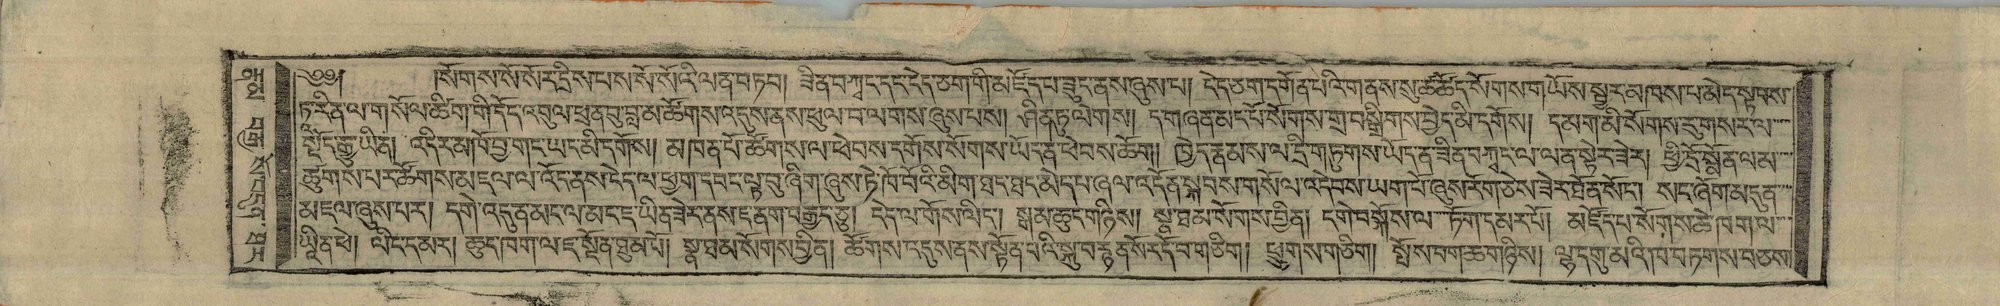༄༅། །སོགས་སོ་སོར་དྲིས་པས་སོ་སོའི་ལན་བཏབ། ཟིན་བཀྭང་དང་ངེད་ཅག་གི་མཛོད་པ་ཟུང་ནས་ཞུས་པ། ངེད་ཅག་དགོན་པའི་གནས་སུ་ཚ་ཚོད་སོགས་གཡོས་སྦྱར་མཁས་པ་མེད་སྟབས་
ཏཱ་རིན་ལ་གསོལ་ཚིག་གི་དོད་འབུལ་ཕྲན་བུ་བླ་མ་ཚོགས་འདུས་ནས་ཕུལ་བ་ལགས་ཞུས་པས། ཤིན་ཏུ་ལེགས། ད་གཞན་མང་པོ་སོགས་གྲ་བསྒྲིགས་བྱེད་མི་དགོས། དམག་མི་སོགས་རུ་གསར་ལ་
སྡོད་རྒྱུ་ཡིན། འདིར་མཁོ་བྱ་གང་ཡང་མི་དགོས། མཁན་པོ་ཚོགས་ལ་ཕེབས་དགོས་སོགས་ཡོད་ན་ཕེབས་ཆོག །ཁྱེད་རྣམས་ལ་དྲི་གཏུགས་ཡོད་ན་ཟིན་བཀྭང་ལ་ལན་སྟེར་ཟེར། ཕྱི་དྲོ་སྨོན་ལམ་
ཚུགས་པར་ཚོགས་མཇལ་ལ་འོང་ནས་ངེད་ལ་ཕྱག་དབང་ལྟ་བུ་ཞིག་ཞུས་ཏེ་ཁོ་བོའི་མིག་ཐང་ཐང་མེད་པ་ཞལ་འདོན་སྐབས་གསོལ་འདེབས་ཡག་པོ་ཞུས་རོག་ཅེས་ཟེར་ཐོན་སོང་། སང་ཞོག་མདུན་
མཇལ་ཞུས་པར། དགེ་འདུན་མང་ལ་མང་ཇ་ཡིན་ཟེར་ནས་ཇ་ནག་བརྒྱད་ཅུ། ངེད་ལ་གོས་ལིང་། སྒམ་ཆུང་གཉིས། སྣ་ཐམ་སོགས་བྱིན། དགེ་བསྐོས་ལ་ཏོག་དམར་པོ། མཛོད་པ་སོགས་ཆེ་ཁག་ལ་
ཡཱིན་ཕེ། ལིང་དམར། ཆུང་ཁག་ལ་ཇ་སྔོན་ཐུམ་པོ། སྣ་ཐམ་སོགས་བྱིན། ཚོགས་འདུས་ནས་སྟོན་པའི་སྐུ་བརྙན་སོར་དོ་བ་གཅིག །ཕྲུགས་གཅིག །སྤོས་བག་ཆ་གཉིས། ལྷ་དགུ་མའི་ཁ་བཏགས་བཅས་